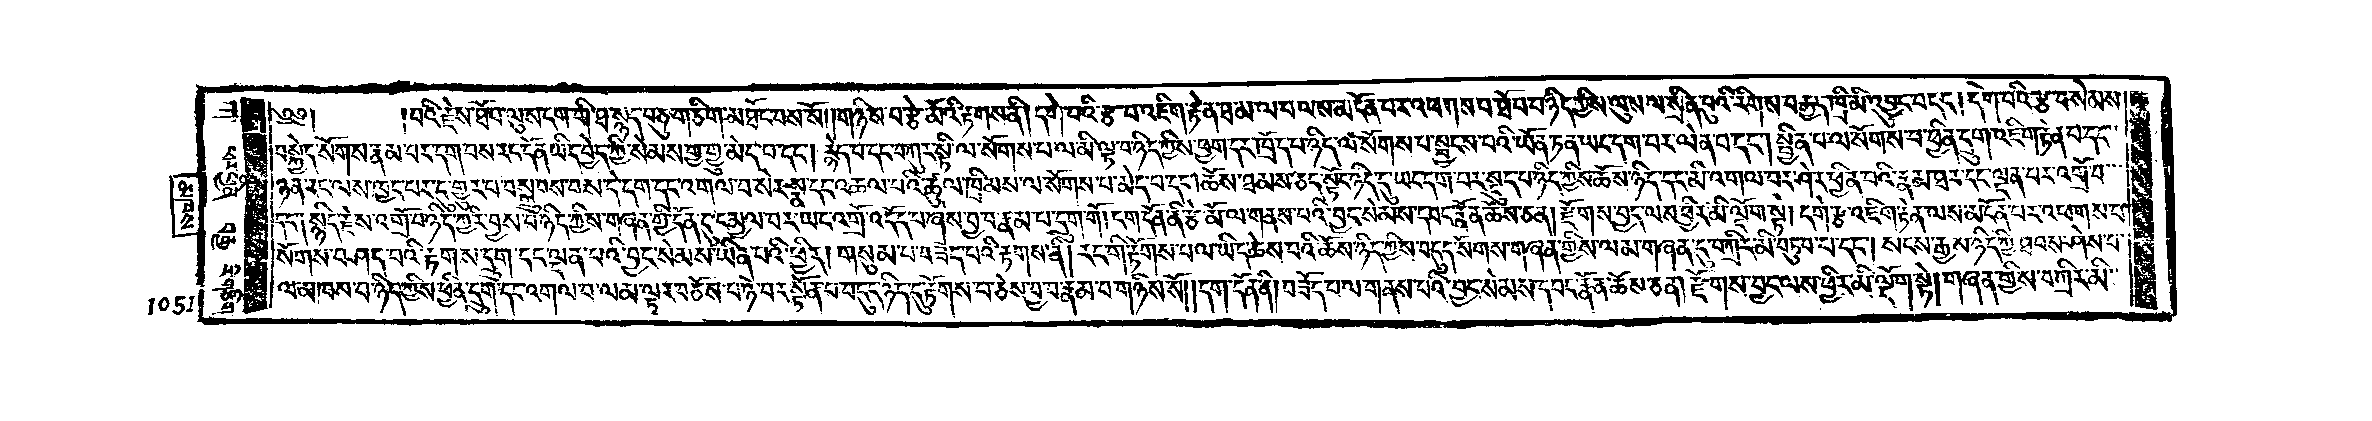༄༅། །པའི་རྗེས་ཐོབ་ལུས་ངག་གི་ཐ་སྙད་བཅུ་གཅིག་མཐོང་བས་སོ། །གཉིས་པ་རྩེ་མོའི་རྟགས་ནི། དགེ་བའི་རྩ་བ་འཇིག་རྟེན་ཐ་མ་ལ་བ་ལས་མངོན་པར་འཕགས་པ་ཐོབ་པ་ཉིད་ཀྱིས་ལུས་ལ་སྲིན་བུའི་རིགས་བརྒྱད་ཁྲི་མི་འབྱུང་བ་དང་། དགེ་བའི་རྩ་བ་སེམས་
བསྐྱེད་སོགས་རྣམ་པར་དག་པས་རང་དོན་ཡིད་བྱེད་ཀྱི་སེམས་གྱ་གྱུ་མེད་པ་དང་། རྙེད་པ་དང་བཀུར་སྟི་ལ་སོགས་པ་ལ་མི་ལྟ་བ་ཉིད་ཀྱིས་ཕྱག་དར་ཁྲོད་པ་ཉིད་ལ་སོགས་པ་སྦྱངས་པའི་ཡོན་ཏན་ཡང་དག་པར་ལེན་པ་དང་། སྦྱིན་པ་ལ་སོགས་པ་ཕྱིན་དྲུག་འཇིག་རྟེན་པ་དང་
ཉན་རང་ལས་ཁྱད་པར་དུ་གྱུར་པ་བསྒྲུབས་བས་དེ་དག་དང་འགལ་བ་སེར་སྣ་དང་འཆལ་པའི་ཚུལ་ཁྲིམས་ལ་སོགས་པ་མེད་པ་དང་། ཆོས་ཐམས་ཅད་སྟོང་ཉིད་དུ་ཡང་དག་པར་སྡུད་པ་ཉིད་ཀྱིས་ཆོས་ཉིད་དང་མི་འགལ་བར་ཤེར་ཕྱིན་པའི་རྣམ་ཐར་དང་ལྡན་པར་འགྲོ་བ་
དང་། སྙིང་རྗེས་འགྲོ་བ་ཉིད་ཀྱིར་བྱས་པ་ཉིད་ཀྱིས་གཞན་གྱི་དོན་དུ་དམྱལ་བར་ཡང་འགྲོ་འདོད་པ་ཞེས་བྱ་བ་རྣམ་པ་དྲུག་གོ། ངག་དོན་ནི་རྩེ་མོ་ལ་གནས་པའི་བྱང་སེམས་དབང་རྣོན་ཆོས་ཅན། རྫོགས་བྱང་ལས་ཕྱིར་མི་ལྡོག་སྟེ། དགེ་རྩ་འཇིག་རྟེན་ལས་མངོན་པར་འཕགས་པ་
སོགས་བཤད་པའི་རྟགས་དྲུག་དང་ལྡན་པའི་བྱང་སེམས་ཡིན་པའི་ཕྱིར། གསུམ་པ་བཟོད་པའི་རྟགས་ནི། རང་གི་རྟོགས་པ་ལ་ཡིད་ཆེས་པའི་ཆོས་ཉིད་ཀྱིས་བདུད་སོགས་གཞན་གྱིས་ལམ་གཞན་དུ་བཀྲིར་མི་བཏུབ་པ་དང་། སངས་རྒྱས་ཉིད་ཀྱི་ཐབས་ཤེས་པ་
ལ་མཁས་པ་ཉིད་ཀྱིས་ཕྱིན་དྲུག་དང་འགལ་བ་ལམ་ལྟར་བཅོས་པ་ཉེ་བར་སྟོན་པ་བདུད་ཉིད་དུ་རྟོགས་པ་ཅེས་བྱ་བ་རྣམ་པ་གཉིས་སོ། །དག་དོན་ནི། བཟོད་པ་ལ་གནས་པའི་བྱང་སེམས་དབང་རྣོན་ཆོས་ཅན། རྫོགས་བྱང་ལས་ཕྱིར་མི་ལྡོག་སྟེ། གཞན་གྱིས་བཀྲིར་མི་